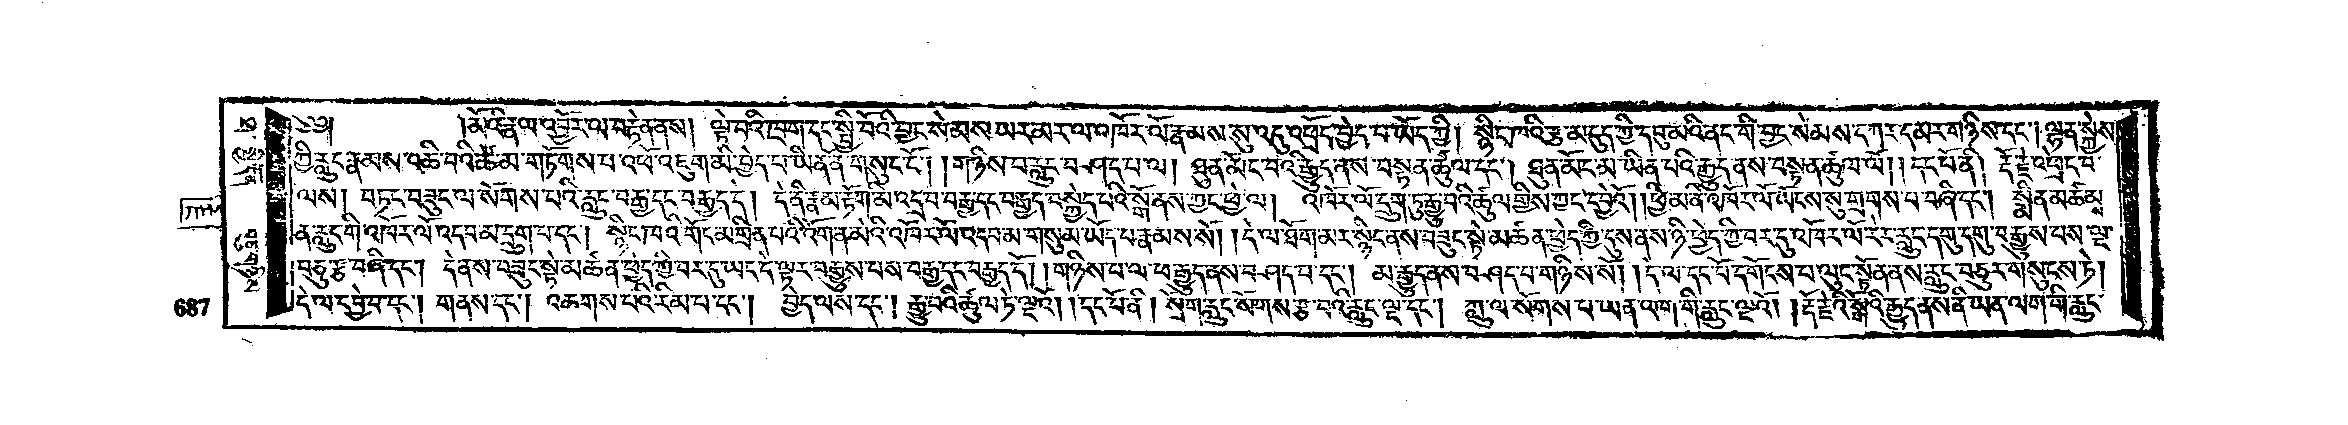༄༅། །མོའི་རྣལ་འབྱོར་ལ་བརྟེན་ནས། ལྟེ་བའི་ཁྲག་དང་སྤྱི་བོའི་བྱང་སེམས་ཡར་མར་ལ་འཁོར་ལོ་རྣམས་སུ་འདུ་འཕྲོད་བྱེད་པ་ཡོད་ཀྱི། སྙིང་ཁའི་རྩ་མདུད་ཀྱི་དབུ་མའི་ནང་གི་བྱང་སེམས་དཀར་དམར་གཉིས་དང་། ལྷན་སྐྱེས་
ཀྱི་རླུང་རྣམས་འཆི་བའི་ཚེ་མ་གཏོགས་པ་འཕོ་འཇུག་མི་བྱེད་པ་ཡིན་ནོ་གསུང་ངོ། །གཉིས་པ་རླུང་བཤད་པ་ལ། ཐུན་མོང་བའི་རྒྱུད་ནས་བསྟན་ཚུལ་དང་། ཐུན་མོང་མ་ཡིན་པའི་རྒྱུད་ནས་བསྟན་ཚུལ་ལོ། །དང་པོ་ནི། རྡོ་རྗེ་འཕྲེང་བ་
ལས། བཏང་བཟུང་ལ་སོགས་པའི་རླུང་བརྒྱ་དང་བརྒྱད་དེ། དེ་ནི་རྣམ་རྟོག་མི་འདྲ་བ་བརྒྱ་དང་བརྒྱད་བསྐྱེད་པའི་སྒོ་ནས་ཀྱང་ཕྱེ་ལ། འཁོར་ལོ་དྲུག་ཏུ་རྒྱུ་བའི་ཚུལ་གྱིས་ཀྱང་དབྱེའོ། །ཕྱི་མ་ནི་འཁོར་ལོ་ཡོངས་སུ་གྲགས་པ་བཞི་དང་། སྨིན་མཚམས་
ན་རླུང་གི་འཁོར་ལོ་འདབ་མ་དྲུག་པ་དང་། སྙིང་ཁའི་གོང་མགྲིན་པའི་འོག་ན་མེའི་འཁོར་ལོ་འདབ་མ་གསུམ་ཡོད་པ་རྣམས་སོ། །དེ་ལ་ཐོག་མར་སྙིང་ནས་བཟུང་སྟེ་མཚན་ཕྱེད་ཀྱི་དུས་ནས་ཉེ་ཕྱེད་ཀྱི་བར་དུ་འཁོར་ལོ་རེར་རླུང་དགུ་བརྒྱུས་པས་ལྔ་བཅུ་རྩ་བཞི་དང་། དེ་ནས་བཟུང་སྟེ་མཚན་ཕྱེད་ཀྱི་བར་དུ་ཡང་དེ་ལྟར་བརྒྱུས་པས་བརྒྱ་དང་བརྒྱད་དོ། །གཉིས་པ་ལ་ཕ་རྒྱུད་ནས་བཤད་པ་དང་། མ་རྒྱུད་ནས་བཤད་པ་གཉིས་སོ། །དེ་ལ་དང་པོ་དགོངས་པ་ལུང་སྟོན་ནས་རླུང་བཅུར་གསུངས་ཏེ།
དེ་ལ་དབྱེ་བ་དང་། གནས་དང་། འཆགས་པའི་རིམ་པ་དང་། བྱེད་ལས་དང་། རྒྱུ་བའི་ཚུལ་ཏེ་ལྔའོ། །དང་པོ་ནི། སྲོག་རླུང་སོགས་རྩ་བའི་རླུང་ལྔ་དང་། ཀླུ་ལ་སོགས་པ་ཡན་ལག་གི་རླུང་ལྔའོ། །རྡོ་རྗེའི་སྒོའི་རྒྱུད་ནས་ནི་ཡན་ལག་གི་རླུང་